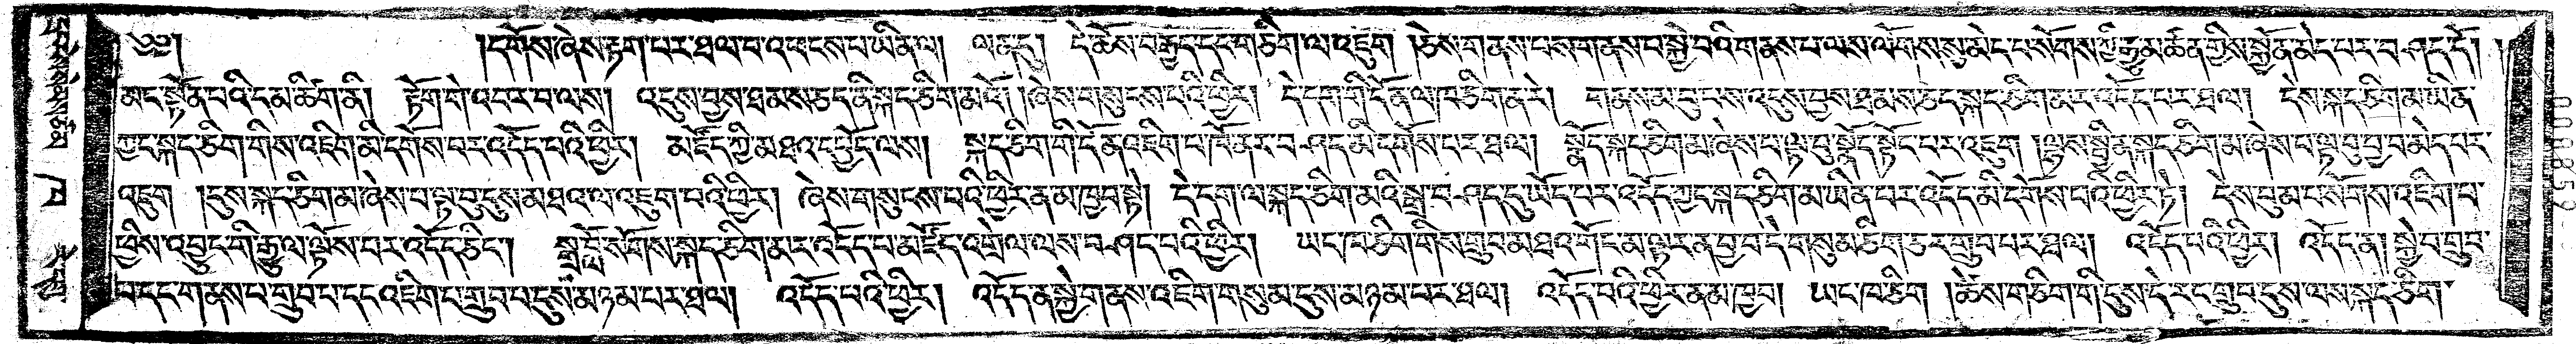༄༅། །དགོས་ཞེས་རྟག་པར་ཐལ་བ་འཕངས་པ་ཡིན་ལ། ལན་དུ། དེ་ཆོས་བརྒྱད་དང་གཅིག་ལ་འཇུག །ཅེས་གནས་པས་གནས་པ་སྐྱེ་བའི་གནས་པ་ལས་ལོགས་སུ་མེད་པ་སོགས་ཀྱི་རྒྱུ་མཚན་གྱིས་སྐྱོན་མེད་པར་བཤད་དོ། །
མང་སྟོན་པའི་དམ་ཚིག་ནི། རྟོག་གེ་འབར་བ་ལས། འདུས་བྱས་ཐམས་ཅད་ནི་སྐད་ཅིག་མའོ། །ཞེས་གསུངས་པའི་ཕྱིར། དེ་དག་གི་དོན་ལ་ཁ་ཅིག་ན་རེ། གནས་མ་བུ་པས་འདུས་བྱས་ཐམས་ཅད་སྐད་ཅིག་མར་འདོད་པར་ཐལ། དེས་སྐད་ཅིག་མ་ཡིན་
ཀྱང་སྐད་ཅིག་གིས་འཇིག་མི་དགོས་པར་འདོད་པའི་ཕྱིར། མཛོད་ཀྱི་མཐའ་དཔྱོད་ལས། སྐད་ཅིག་གི་དོན་འཇིག་པ་ཁོ་ནར་བཤད་མི་དགོས་པར་ཐལ། སྣོད་སྐད་ཅིག་མ་ཞེས་པ་ལྟ་བུ་སྣོད་སྟོང་པར་འཇུག །ལྷས་སྦྱིན་སྐད་ཅིག་མ་ཞེས་པ་ལྟ་བུ་བྱ་བ་མེད་པར་
འཇུག །དུས་སྐད་ཅིག་མ་ཞེས་པ་ལྟ་བུ་དུས་མཐའ་ལ་འཇུག་པའི་ཕྱིར། ཞེས་གསུངས་པའི་ཕྱིར་ན་མ་ཁྱབ་སྟེ། དེ་དག་ལ་སྐད་ཅིག་མའི་སྒྲ་བཤད་དུ་ཡོད་པར་འདོད་ཀྱང་སྐད་ཅིག་མ་ཡིན་པར་འདོད་མི་དགོས་པའི་ཕྱིར་ཏེ། དེས་བུམ་པ་སོགས་འཇིག་པ་
ཕྱིས་འབྱུང་གི་རྒྱུ་ལ་ལྟོས་པར་འདོད་ཅིང་། སྒྲ་བློ་སོགས་སྐད་ཅིག་མར་འདོད་པ་མཛོད་འགྲེལ་ལས་བཤད་པའི་ཕྱིར། ཡང་ཁ་ཅིག་གིས་གྲུབ་མཐའ་གོང་མ་ལྟར་ན་བྱ་བ་དེ་གསུམ་ཅིག་ཅར་གྲུབ་པར་ཐལ། འདོད་པའི་ཕྱིར། འདོད་ན། སྐྱེ་བ་གྲུབ་
པ་དང་གནས་པ་གྲུབ་པ་དང་འཇིག་པ་གྲུབ་པ་དུས་མཉམ་པར་ཐལ། འདོད་པའི་ཕྱིར། འདོད་ན་སྐྱེ་གནས་འཇིག་གསུམ་དུས་མཉམ་པར་ཐལ། འདོད་པའི་ཕྱིར་ན་མ་ཁྱབ། ཡང་ཁ་ཅིག། །ཚེས་གཅིག་གི་དུས་དེ་རང་གྲུབ་དུས་ལས་སྐད་ཅིག་